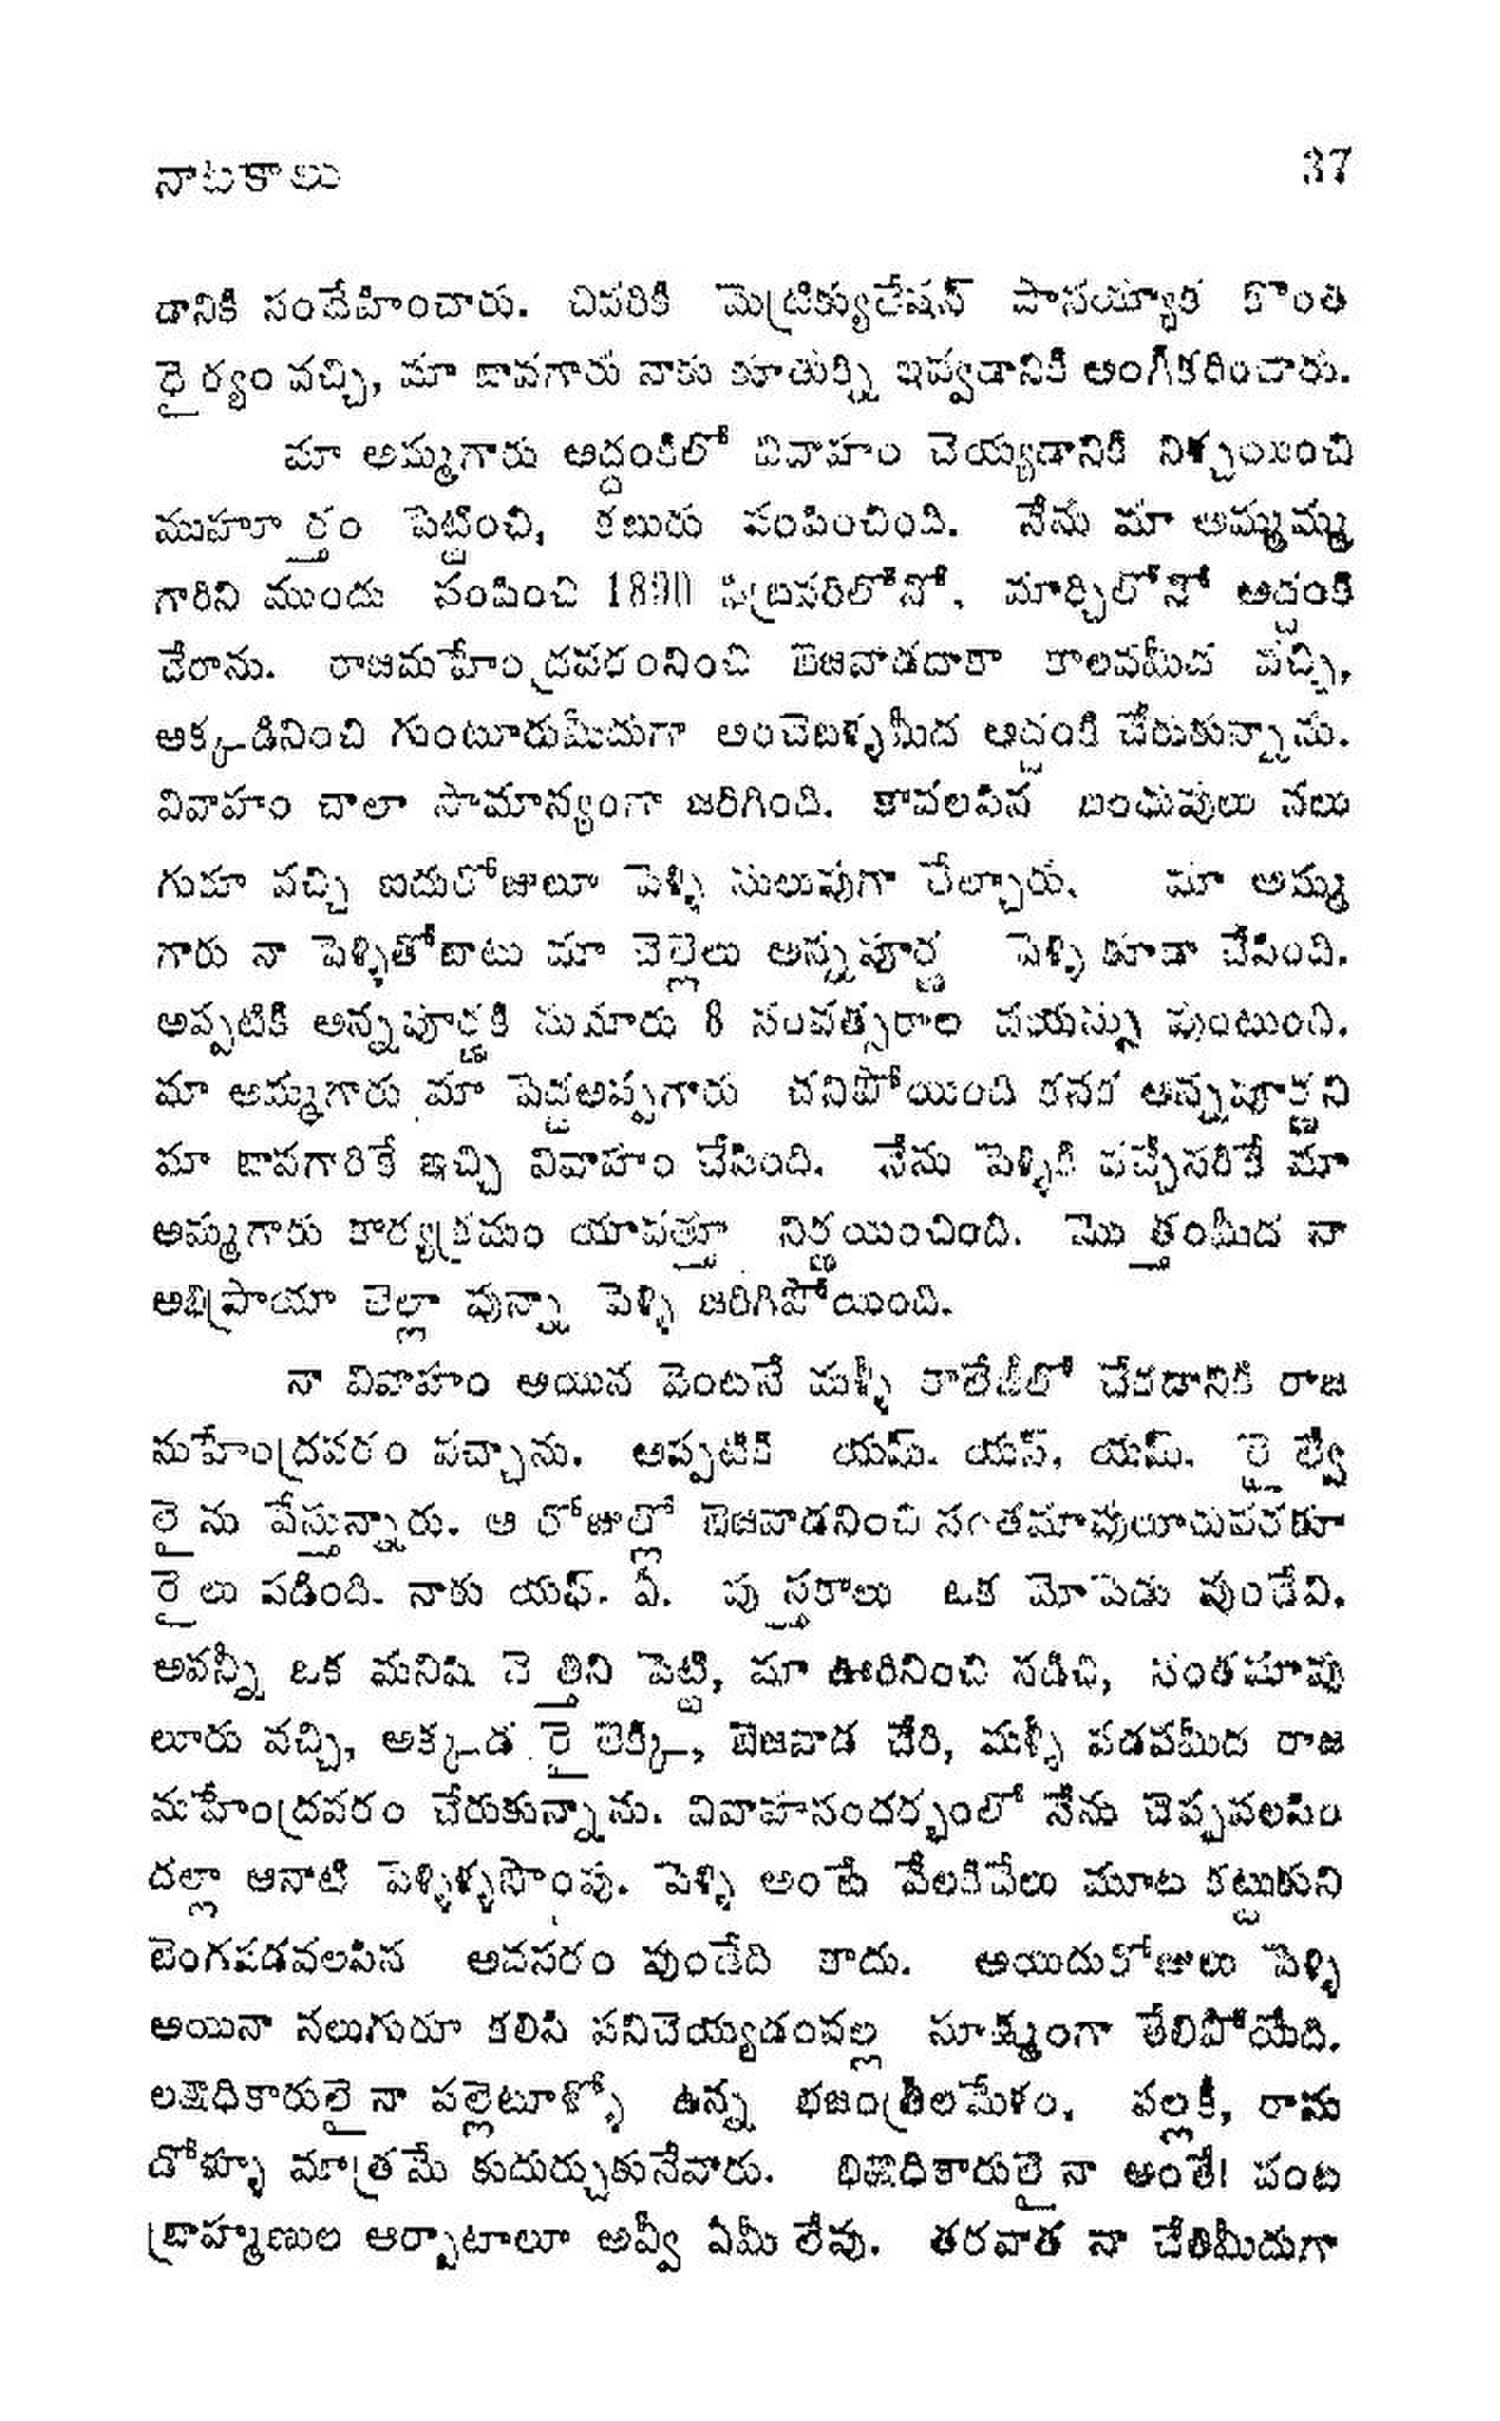డానికి సందేహించారు. చివరికి మెట్రిక్యులేషన్ పాసయ్యాక కొంతధైర్యం వచ్చి, మా బావగారు నాకు కూతుర్ని ఇవ్వడానికి అంగీకరించారు.

మా అమ్మగారు అద్దంకిలో వివాహం చెయ్యడానికి నిశ్చయించి ముహూర్తం పెట్టించి కబురు పంపించింది. నేను మా అమ్మమ్మగారిని ముందు పంపించి 1890 ఫిబ్రవరిలోనో, మార్చిలోనో అద్దంకి చేరాను. రాజమహేంద్రవరంనించి బెజవాడదాకా కాలవమీద వచ్చి, అక్కడినించి గుంటూరుమీదుగా అంచెబళ్లమీద అద్దంకి చేరుకున్నాను. వివాహం చాలా సామాన్యంగా జరిగింది. కావలసిన బంధువులు నలుగురూ వచ్చి ఐదురోజులూ పెళ్ళి సులువుగా తేల్చారు. మా అమ్మగారు నా పెళ్ళితోబాటు మా చెల్లెలు అన్నపూర్ణ పెళ్ళి కూడా చేసింది. అప్పటికి అన్నపూర్ణకి సుమారు 8 సంవత్సరాల వయస్సు వుంటుంది. మా అమ్మగారు మా పెద్దఅప్పగారు చనిపోయింది కనక అన్నపూర్ణని మా బావగారికే ఇచ్చి వివాహం చేసింది. నేను పెళ్ళికి వచ్చేసరికే మా అమ్మగారు కార్యక్రమం యావత్తూ నిర్ణయించింది. మొత్తంమీద నా అభిప్రాయా లెల్లా వున్నా పెళ్ళి జరిగిపోయింది.

నా వివాహం అయిన వెంటనే మళ్ళీ కాలేజీలో చేరడానికి రాజమహేంద్రవరం వచ్చాను. అప్పటికి యమ్. యస్. యమ్. రైల్వేలైను వేస్తున్నారు. ఆ రోజుల్లో బెజవాడనించి సంతమావులూరువరకూ రైలు పడింది. నాకు యఫ్. ఏ. పుస్తకాలు ఒక మోపెడు వుండేవి. అవన్నీ ఒక మనిషి నెత్తిని పెట్టి, మా ఊరినించి నడిచి, సంతమావులూరు వచ్చి, అక్కడ రైలెక్కి, బెజవాడ చేరి, మళ్ళీ పడవమీద రాజమహేంద్రవరం చేరుకున్నాను. వివాహసందర్భంలో నేను చెప్పవలసిందల్లా ఆనాటి పెళ్ళిళ్ళసొంపు. పెళ్ళి అంటే వేలకివేలు మూట కట్టుకుని బెంగపడవలసిన అవసరం వుండేది కాదు. అయిదురోజులు పెళ్ళి అయినా నలుగురూ కలిసి పనిచెయ్యడంవల్ల సూక్ష్మంగా తేలిపోయేది. లక్షాధికారులైనా పల్లెటూళ్ళో ఉన్న భజంత్రీలమేళం, పల్లకీ, రామడోళ్ళూ మాత్రమే కుదుర్చుకునేవారు. భిక్షాధికారులైనా అంతే! వంట బ్రాహ్మణుల ఆర్భాటాలూ అవ్వీ ఏమీ లేవు. తరవాత నా చేతిమీదుగా